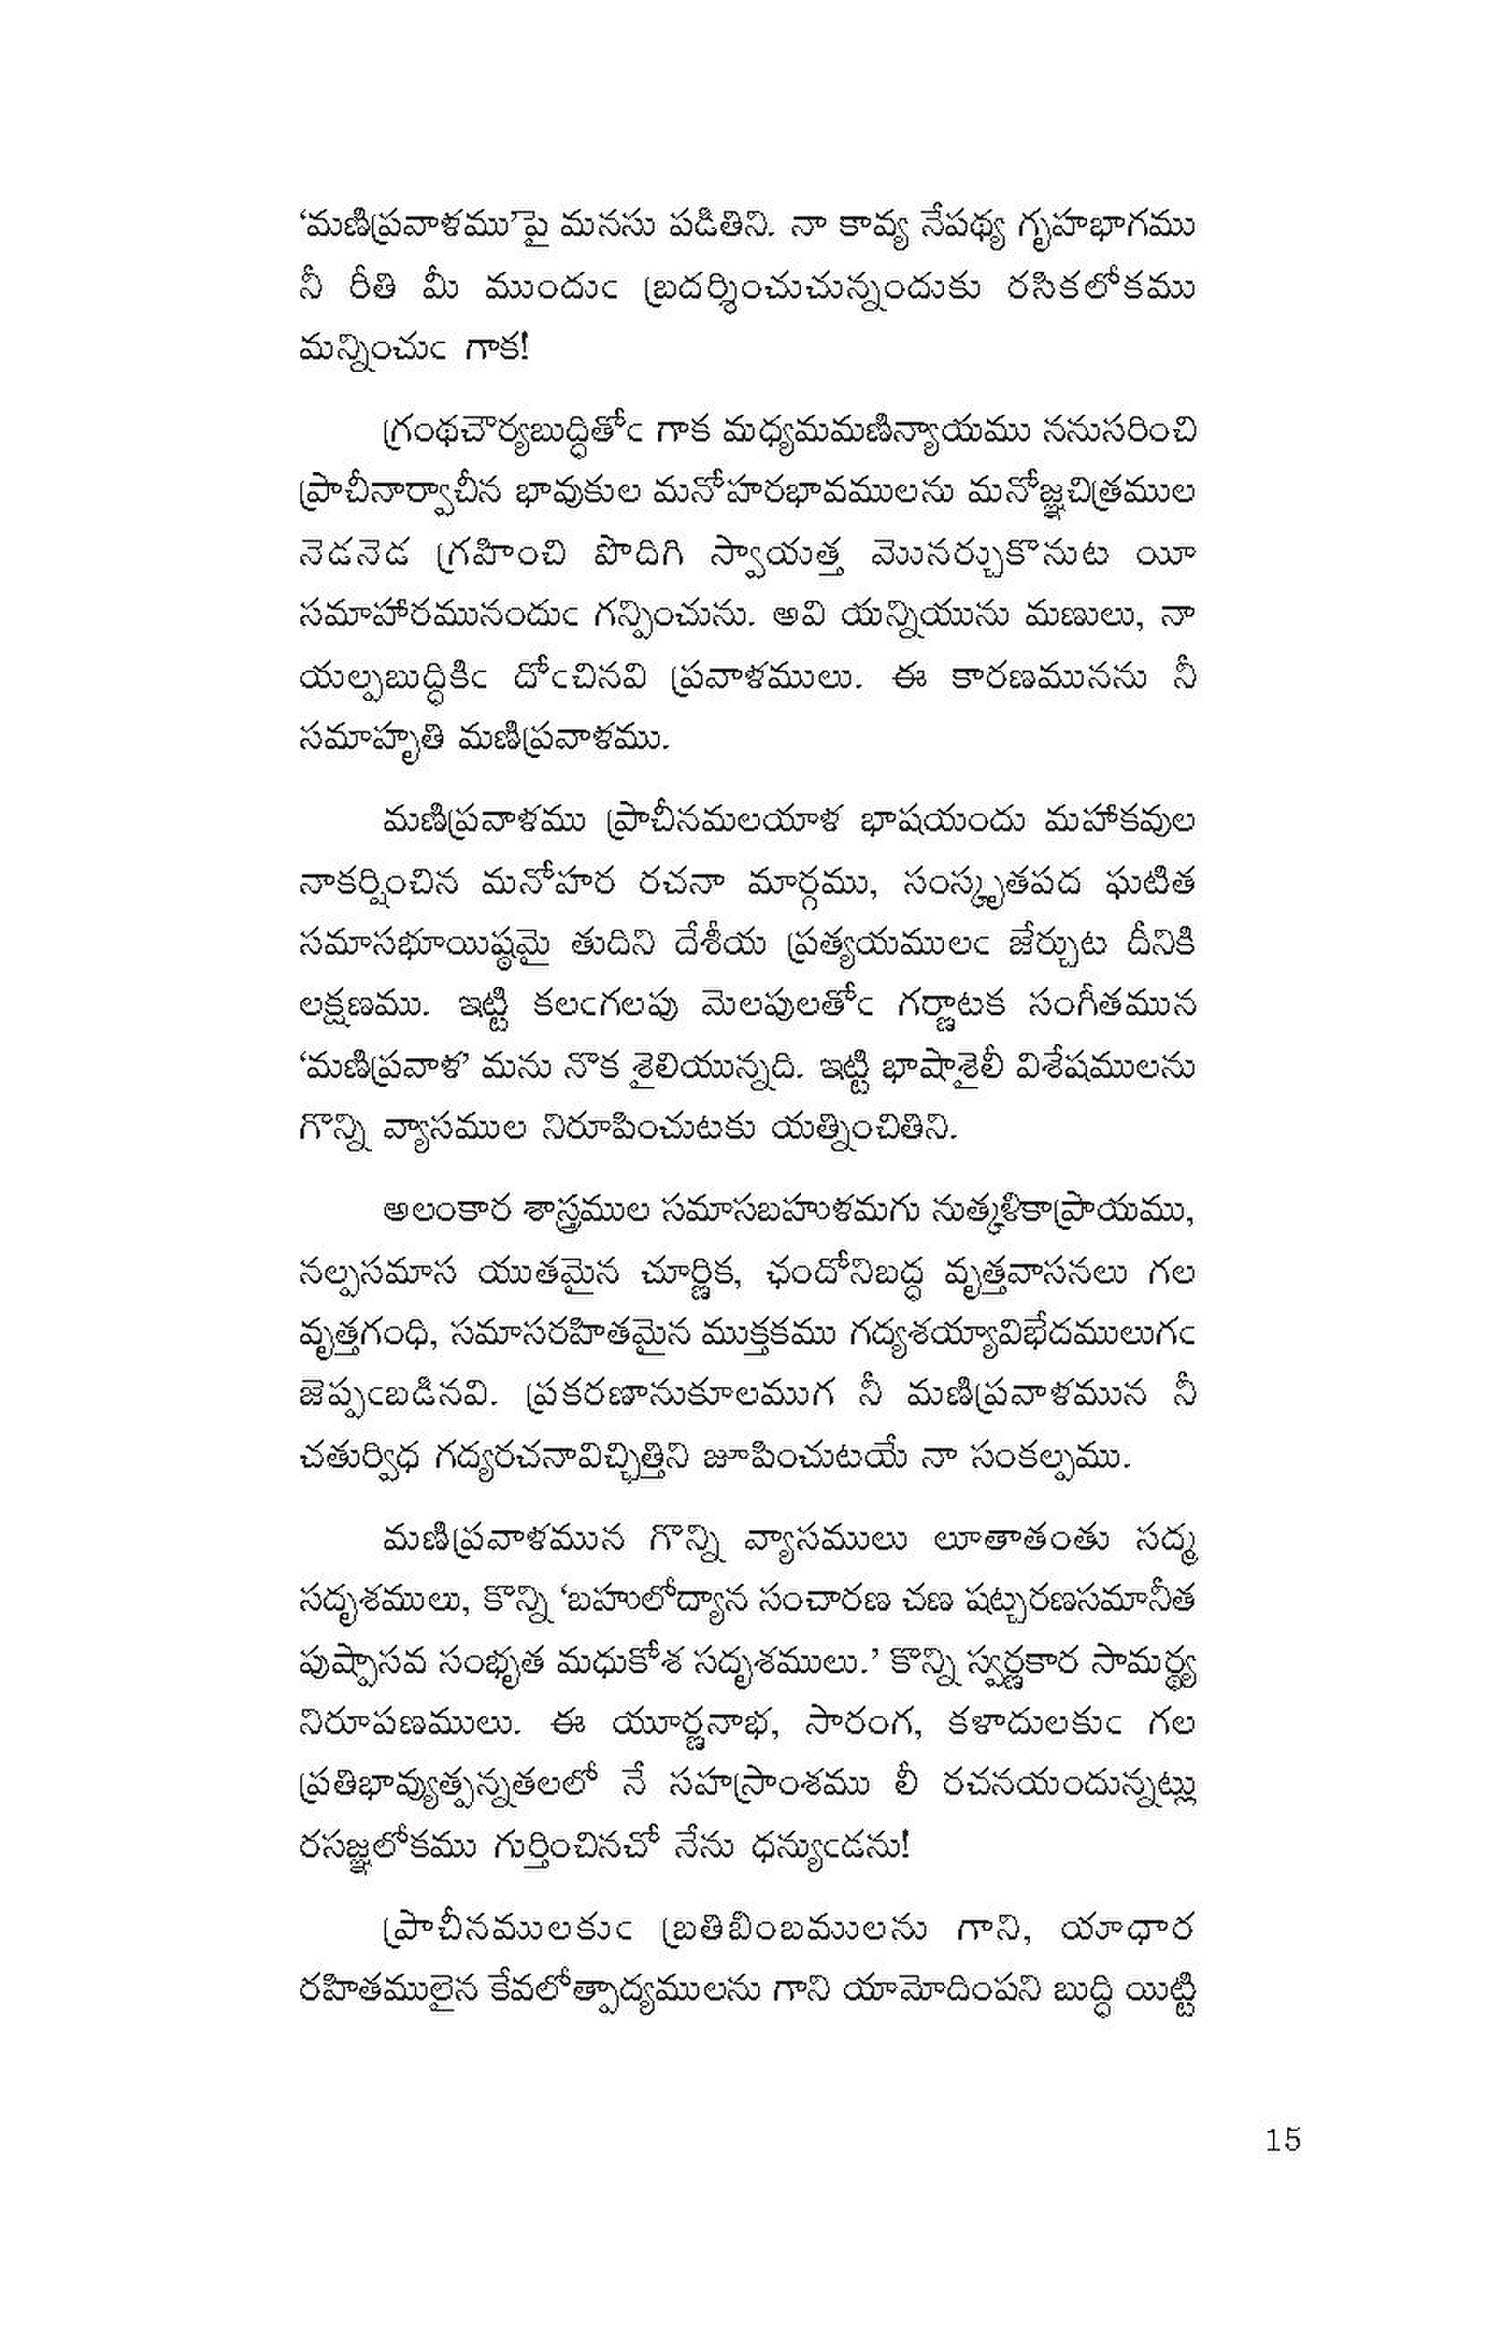‘మణిప్రవాళము’పై మనసు పడితిని. నా కావ్య నేపథ్య గృహభాగము నీ రీతి మీ ముందుఁ బ్రదర్శించుచున్నందుకు రసికలోకము మన్నించుఁ గాక!

గ్రంథచౌర్యబుద్ధితోఁ గాక మధ్యమమణిన్యాయము ననుసరించి ప్రాచీనార్వాచీన భావుకుల మనోహరభావములను మనోజ్ఞచిత్రముల నెడనెడ గ్రహించి పొదిగి స్వాయత్త మొనర్చుకొనుట యీ సమాహారమునందుఁ గన్పించును. అవి యన్నియును మణులు, నా యల్పబుద్ధికిఁ దోఁచినవి ప్రవాళములు. ఈ కారణమునను నీ సమాహృతి మణిప్రవాళము.

మణిప్రవాళము ప్రాచీనమలయాళ భాషయందు మహాకవుల నాకర్షించిన మనోహర రచనా మార్గము, సంస్కృతపద ఘటిత
సమాసభూయిష్ఠమై తుదిని దేశీయ ప్రత్యయములఁ జేర్చుట దీనికి లక్షణము. ఇట్టి కలఁగలపు మెలపులతోఁ గర్ణాటక సంగీతమున ‘మణిప్రవాళ' మను నొక శైలియున్నది. ఇట్టి భాషాశైలీ విశేషములను గొన్ని వ్యాసముల నిరూపించుటకు యత్నించితిని.

అలంకార శాస్త్రముల సమాసబహుళమగు నుత్కళికాప్రాయము, నల్పసమాస యుతమైన చూర్ణిక, ఛందోనిబద్ధ వృత్తవాసనలు గల వృత్తగంధి, సమాసరహితమైన ముక్తకము గద్యశయ్యావిభేదములుగఁ జెప్పఁబడినవి. ప్రకరణానుకూలముగ నీ మణిప్రవాళమున నీ చతుర్విధ గద్యరచనావిచ్ఛిత్తిని జూపించుటయే నా సంకల్పము.

మణిప్రవాళమున గొన్ని వ్యాసములు లూతాతంతు సద్మ సదృశములు, కొన్ని 'బహులోద్యాన సంచారణ చణ షట్చరణసమానీత
పుష్పాసవ సంభృత మధుకోశ సదృశములు.' కొన్ని స్వర్ణకార సామర్థ్య నిరూపణములు. ఈ యూర్ణనాభ, సారంగ, కళాదులకుఁ గల ప్రతిభావ్యుత్పన్నతలలో నే సహస్రాంశము లీ రచనయందున్నట్లు రసజ్ఞలోకము గుర్తించినచో నేను ధన్యుఁడను!

ప్రాచీనములకుఁ బ్రతిబింబములను గాని, యాధార రహితములైన కేవలోత్పాద్యములను గాని యామోదింపని బుద్ధి యిట్టి